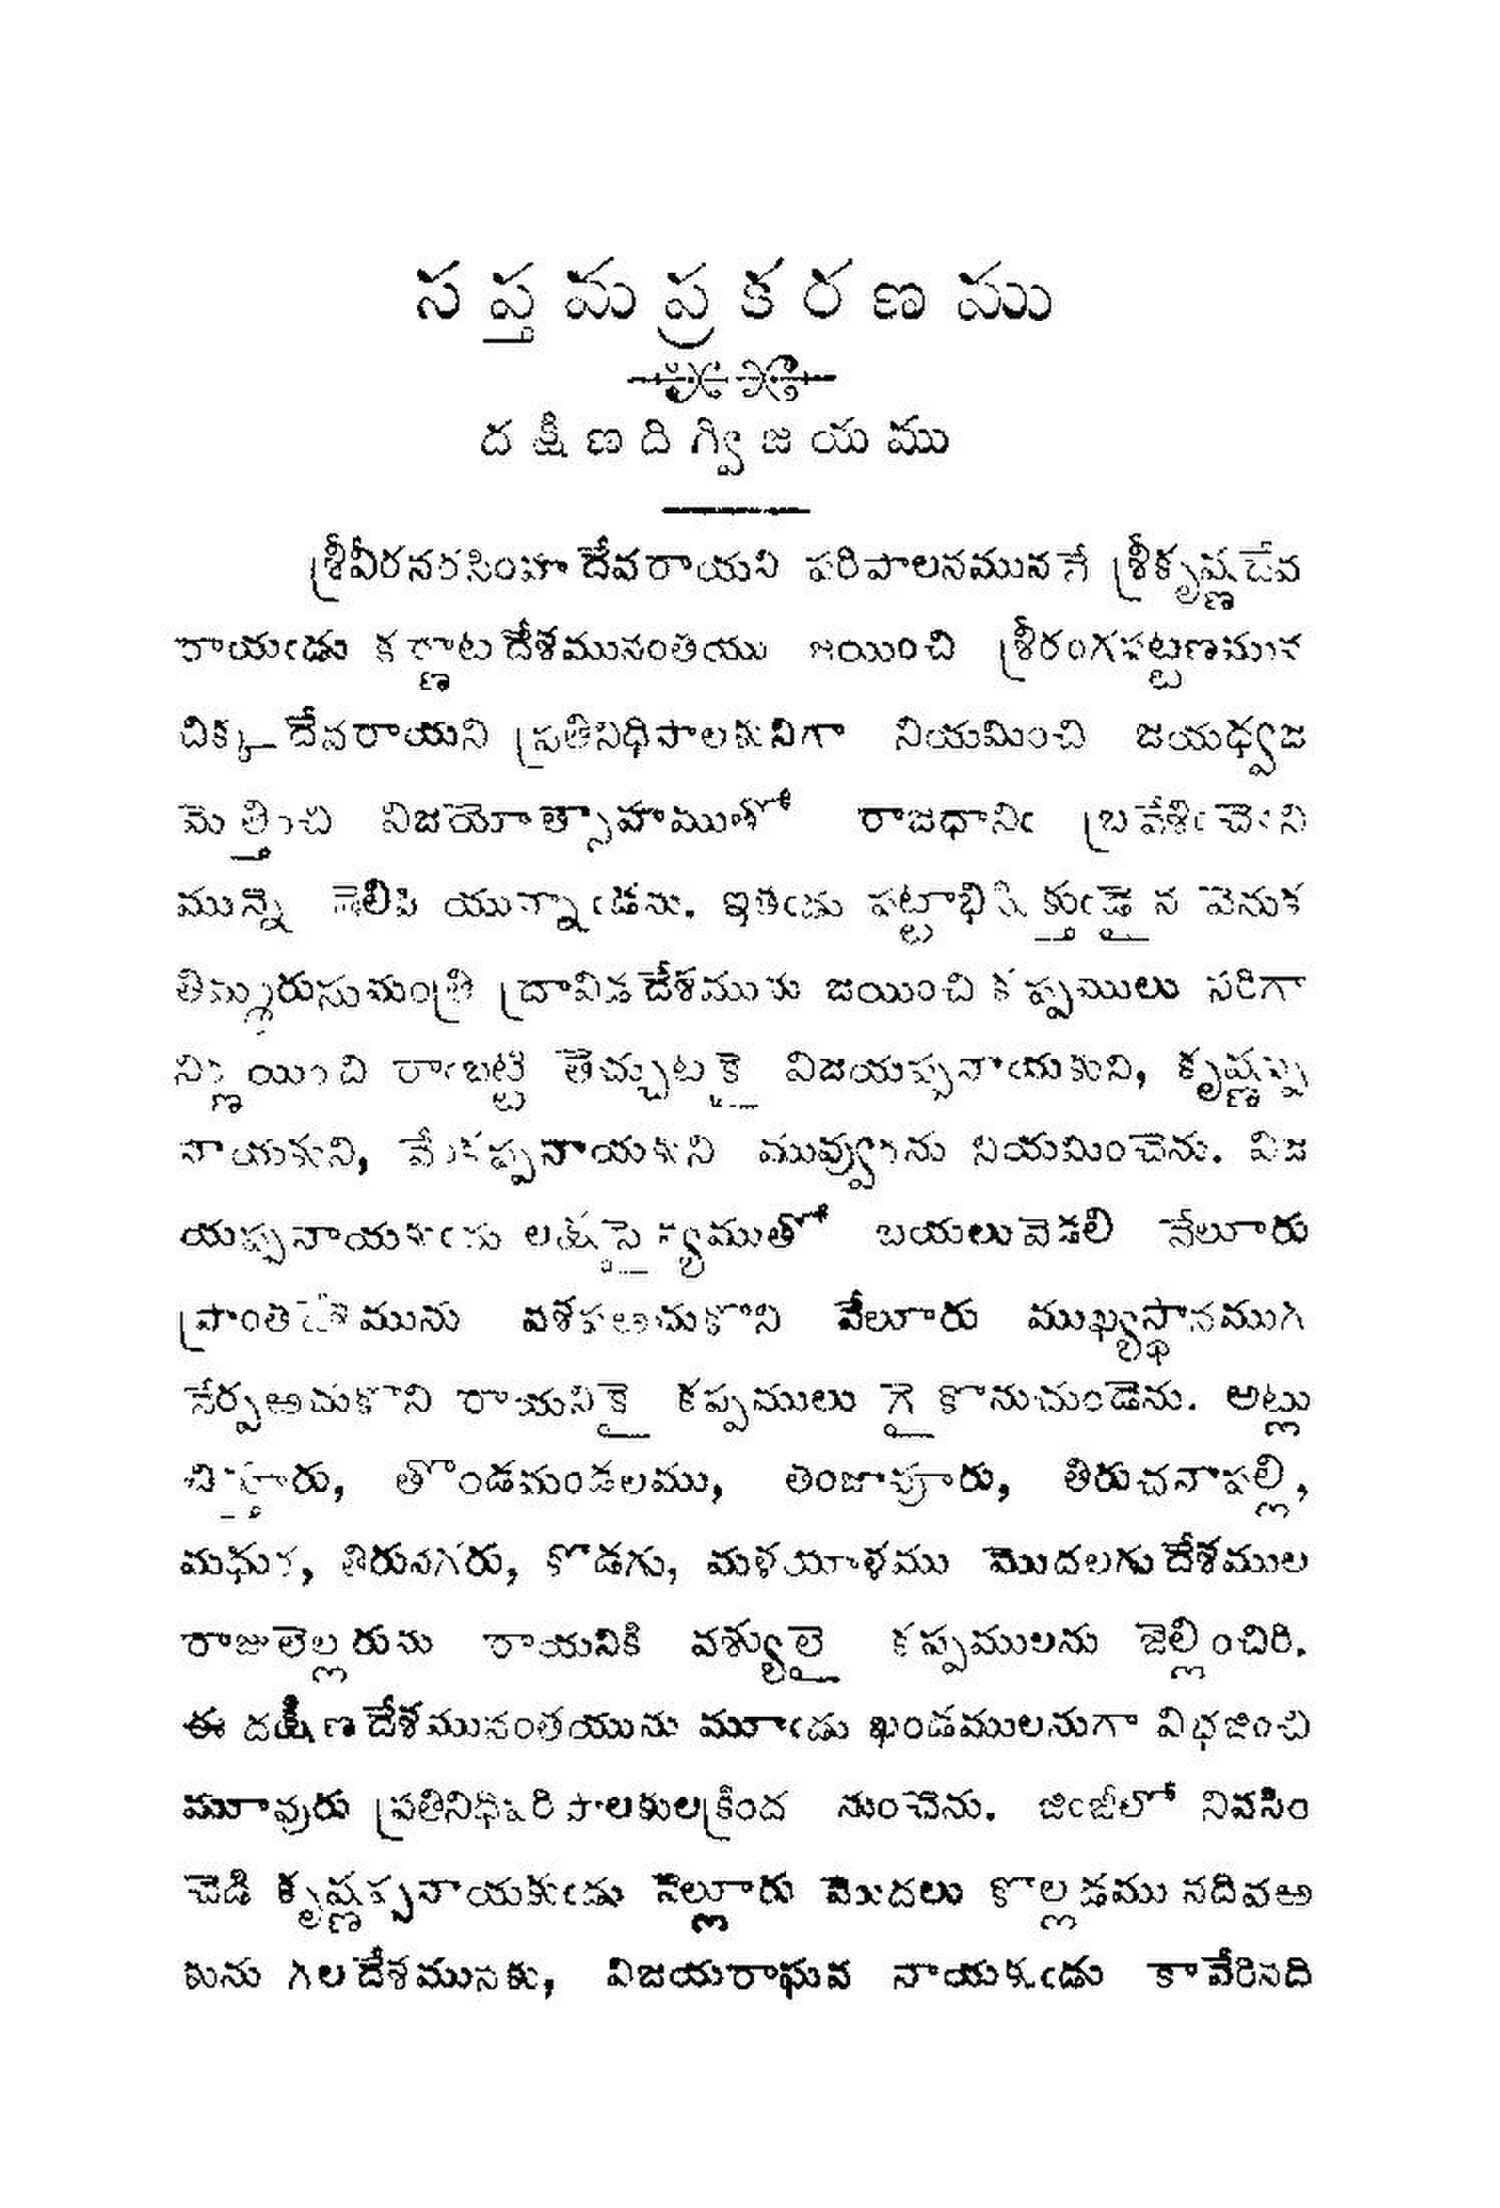సప్తమప్రకరణము
దక్షిణ దిగ్విజయము

శ్రీవీరనరసింహదేవరాయని పరిపాలనముననే శ్రీకృష్ణదేవరాయఁడు కర్ణాటదేశమునంతయు జయించి శ్రీరంగపట్టణమున చిక్కదేవరాయని ప్రతినిధిపాలకునిగా నియమించి జయధ్వజ మెత్తించి విజయోత్సాహముతో రాజధానిఁ బ్రవేశించెనని మున్నె తెలిపి యున్నాఁడను. ఇతఁడు పట్టాభిషిక్తుఁడైన వెనుక తిమ్మరుసుమంత్రి ద్రావిడదేశమును జయించి కప్పయిలు సరిగా నిర్ణయించి రాఁబట్టి తెచ్చుటకై విజయప్పనాయకుని, కృష్ణప్పనాయకుని, వేంకప్పనాయకుని మువ్వురను నియమించెను. విజయప్పనాయకుఁడు లక్షసైన్యముతో బయలువెడలి వేలూరు ప్రాంతదేశమును వశపఱచుకొని వేలూరు ముఖ్యస్థానముగ నేర్పఱచుకొని రాయనికై కప్పములు గైకొనుచుండెను. అట్లు చిత్తూరు, తొండమండలము, తంజపూరు, తిరుచనాపల్లి, మధుర, తిరునగరు, కొడగు, మళయాళము మొదలగుదేశముల రాజులెల్లరును రాయనికి వశ్యులై కప్పములను జెల్లించిరి, ఈ దక్షిణదేశమునంతయును మూఁడు ఖండములనుగా విభజించి మూవురు ప్రతినిధిపరిపాలకులక్రింద నుంచెను. జింజీలో నివసించెడి కృష్ణప్పనాయకుఁడు నెల్లూరు మెదలు కొల్లడము నదివఱకును గలదేశమునకు, విజయరాఘవ నాయకుఁడు కావేరినది